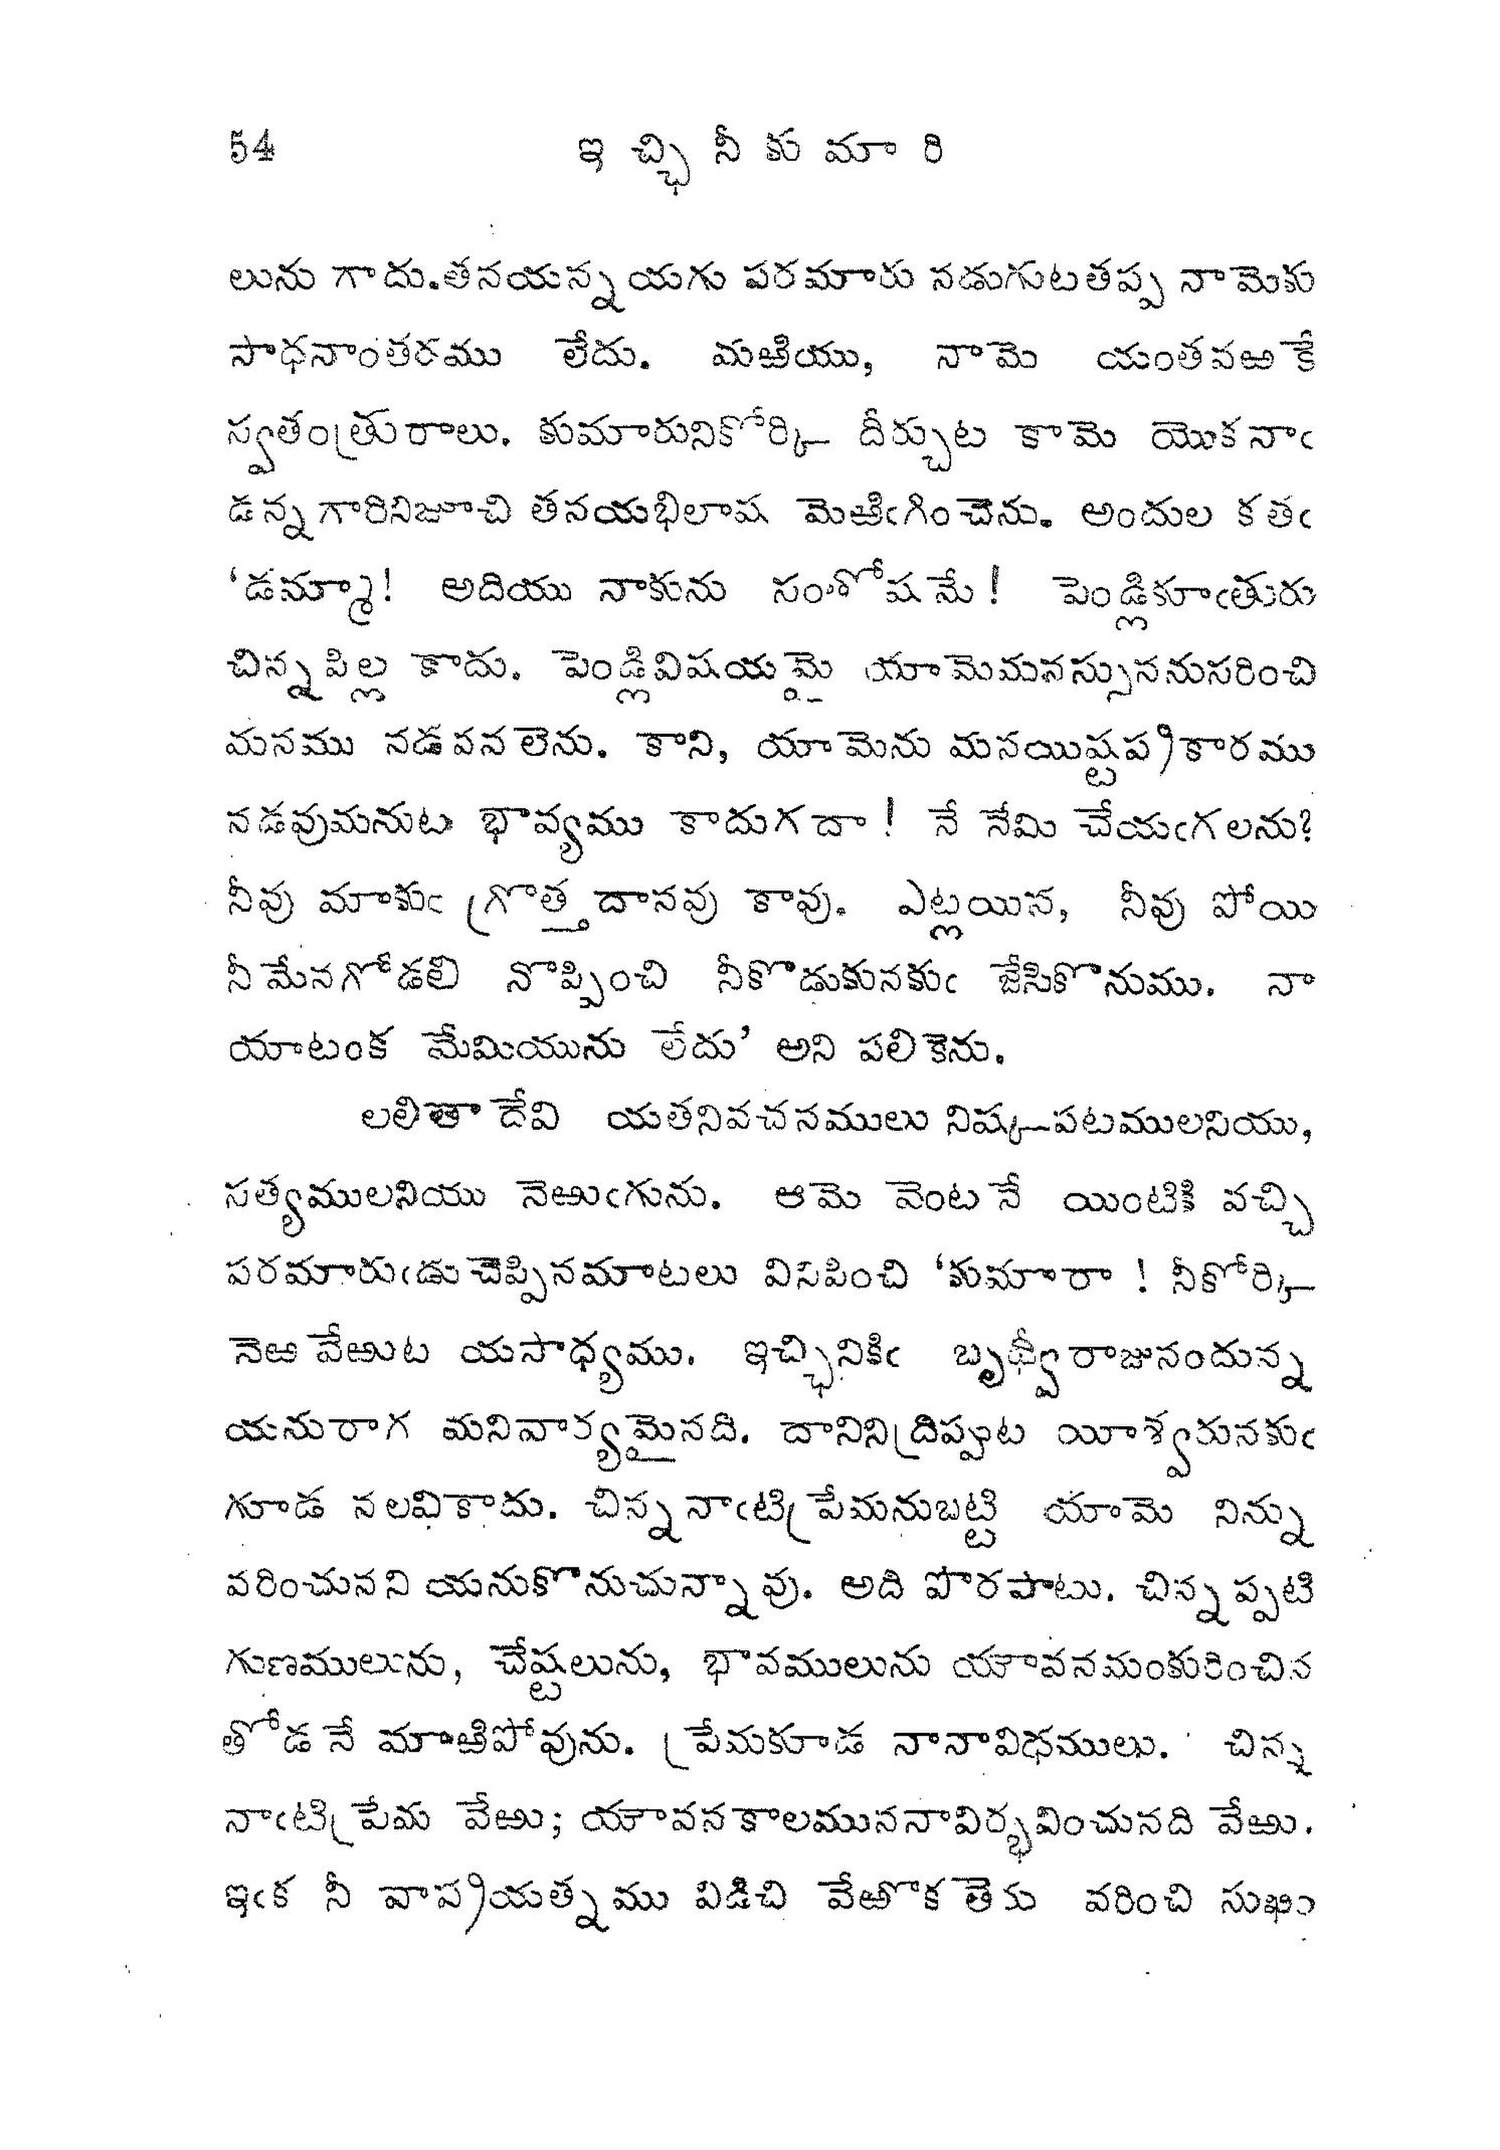లును గాదు.తనయన్నయగు పరమారు నడుగుట తప్ప నామెకు సాధనాంతరము లేదు. మఱియు, నామెయంతనఱకే స్వతంత్రురాలు. కుమారునికోర్కి దీర్చుట కామె యొక నాఁడన్న గారిని జూచి తనయభిలాష మెజిఁగించెను. అందుల కతఁడన్మూ! అదియు నాకును సంతోషమే ! పెండ్లికూతురు
చిన్నపిల్ల కాదు. 'పెండ్లి విషయమై యామెమనస్సున నుసరించి మనము నడవవలెను. కాని, యామెను మనయిష్టప్రకారమునడవు మనుట భావ్యము కాదుగదా ! నే నేమి చేయఁగలను?
నీవు మాకు క్రొత్త దానవు కావు. ఎట్లయిస, నీవు పోయినీ మేనగోడలి నొప్పించి నీకొడుకునకుఁ జేసికొనుము.యాటంక మేమియును లేదు' అని పలికెను.

లలితా దేవి యతని వచనములు నిష్కపటములసియు,సత్యములనియు నెఱుఁగును. ఆమె వెంట నే యింటికి వచ్చిపరమారుఁడు చెప్పినమాటలు వినిపించి 'కుమారా ! నీకోర్కెనెర వేఱుట యసాధ్యము. ఇచ్ఛినికి బృథ్వీ రాజునందున్నయనురాగ మనివార్యమైనది. దానిని ద్రిప్పుట యీశ్వరునకుఁ గూడ నలవి కాదు. చిన్న నాఁటి ప్రేమనుబట్టి యామె నిన్నువరించునని యనుకొనుచున్నావు. అది పొరపాటు. చిన్నప్పటి గుణములును, చేష్టలును, భావములును యవనమంకురించిన తోడ నే మాఱిపోవును. ప్రేమకూడ నానావిధములు. - చిన్న నాటి ప్రేమ వేఱు; భూవన కాలమున నావిర్భవించునది వేఱు.ఇక నీ వాప్రయత్నము విడిచి వేఱొక తెను వరించి సుఖం